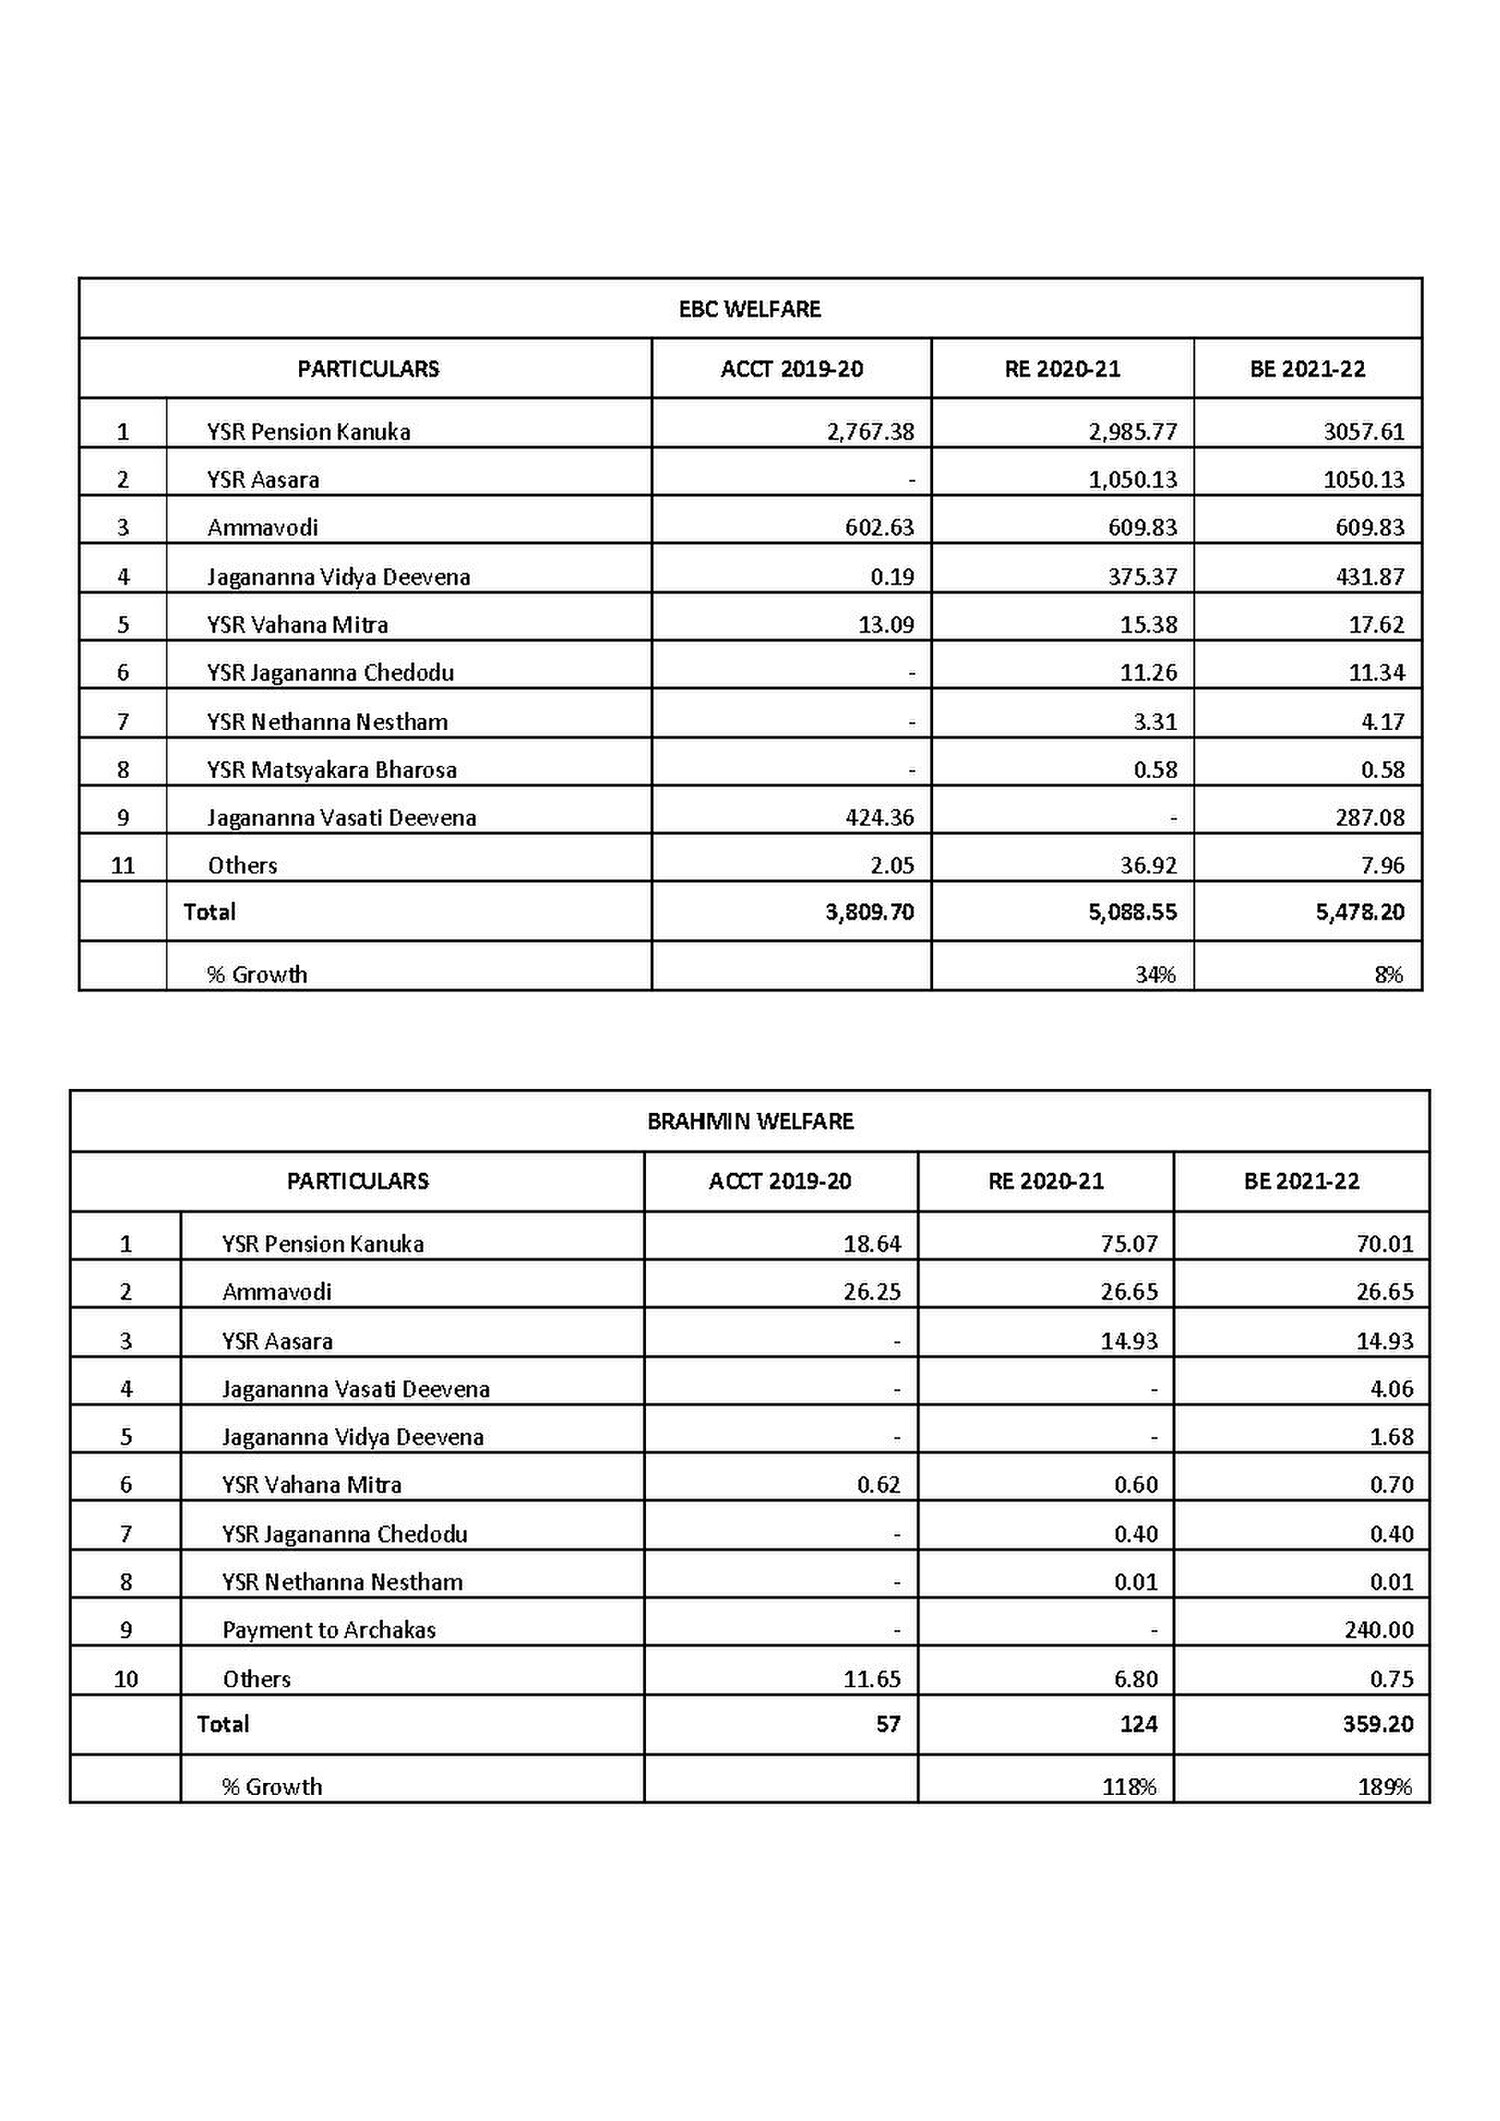EBC WELFARE PARTICULARS ACCT 2019-­20 RE 2020­-21 BE 2021-­22 1 YSR Pension Kanuka 2,767.38 2,985.77 3057.61 2 YSR Aasara ­ 1,050.13 1050.13 3 Ammavodi 602.63 609.83 609.83 4 Jagananna Vidya Deevena 0.19 375.37 431.87 5 YSR Vahana Mitra 13.09 15.38 17.62 6 YSR Jagananna Chedodu ­ 11.26 11.34 7 YSR Nethanna Nestham ­ 3.31 4.17 8 YSR Matsyakara Bharosa ­ 0.58 0.58 9 Jagananna Vasati Deevena 424.36 ­ 287.08 11 Others 2.05 36.92 7.96 Total 3,809.70 5,088.55 5,478.20 % Growth 34% 8%

 BRAHMIN WELFARE PARTICULARS ACCT 2019-­20 RE 2020-21 BE 2021­-22 1 YSR Pension Kanuka 18.64 75.07 70.01 2 Ammavodi 26.25 26.65 26.65 3 YSR Aasara ­ 14.93 14.93 4 Jagananna Vasati Deevena ­ ­ 4.06 5 Jagananna Vidya Deevena ­ ­ 1.68 6 YSR Vahana Mitra 0.62 0.60 0.70 7 YSR Jagananna Chedodu ­ 0.40 0.40 8 YSR Nethanna Nestham ­ 0.01 0.01 9 Payment to Archakas ­ ­ 240.00 10 Others 11.65 6.80 0.75 Total 57 124 359.20 % Growth 118% 189%